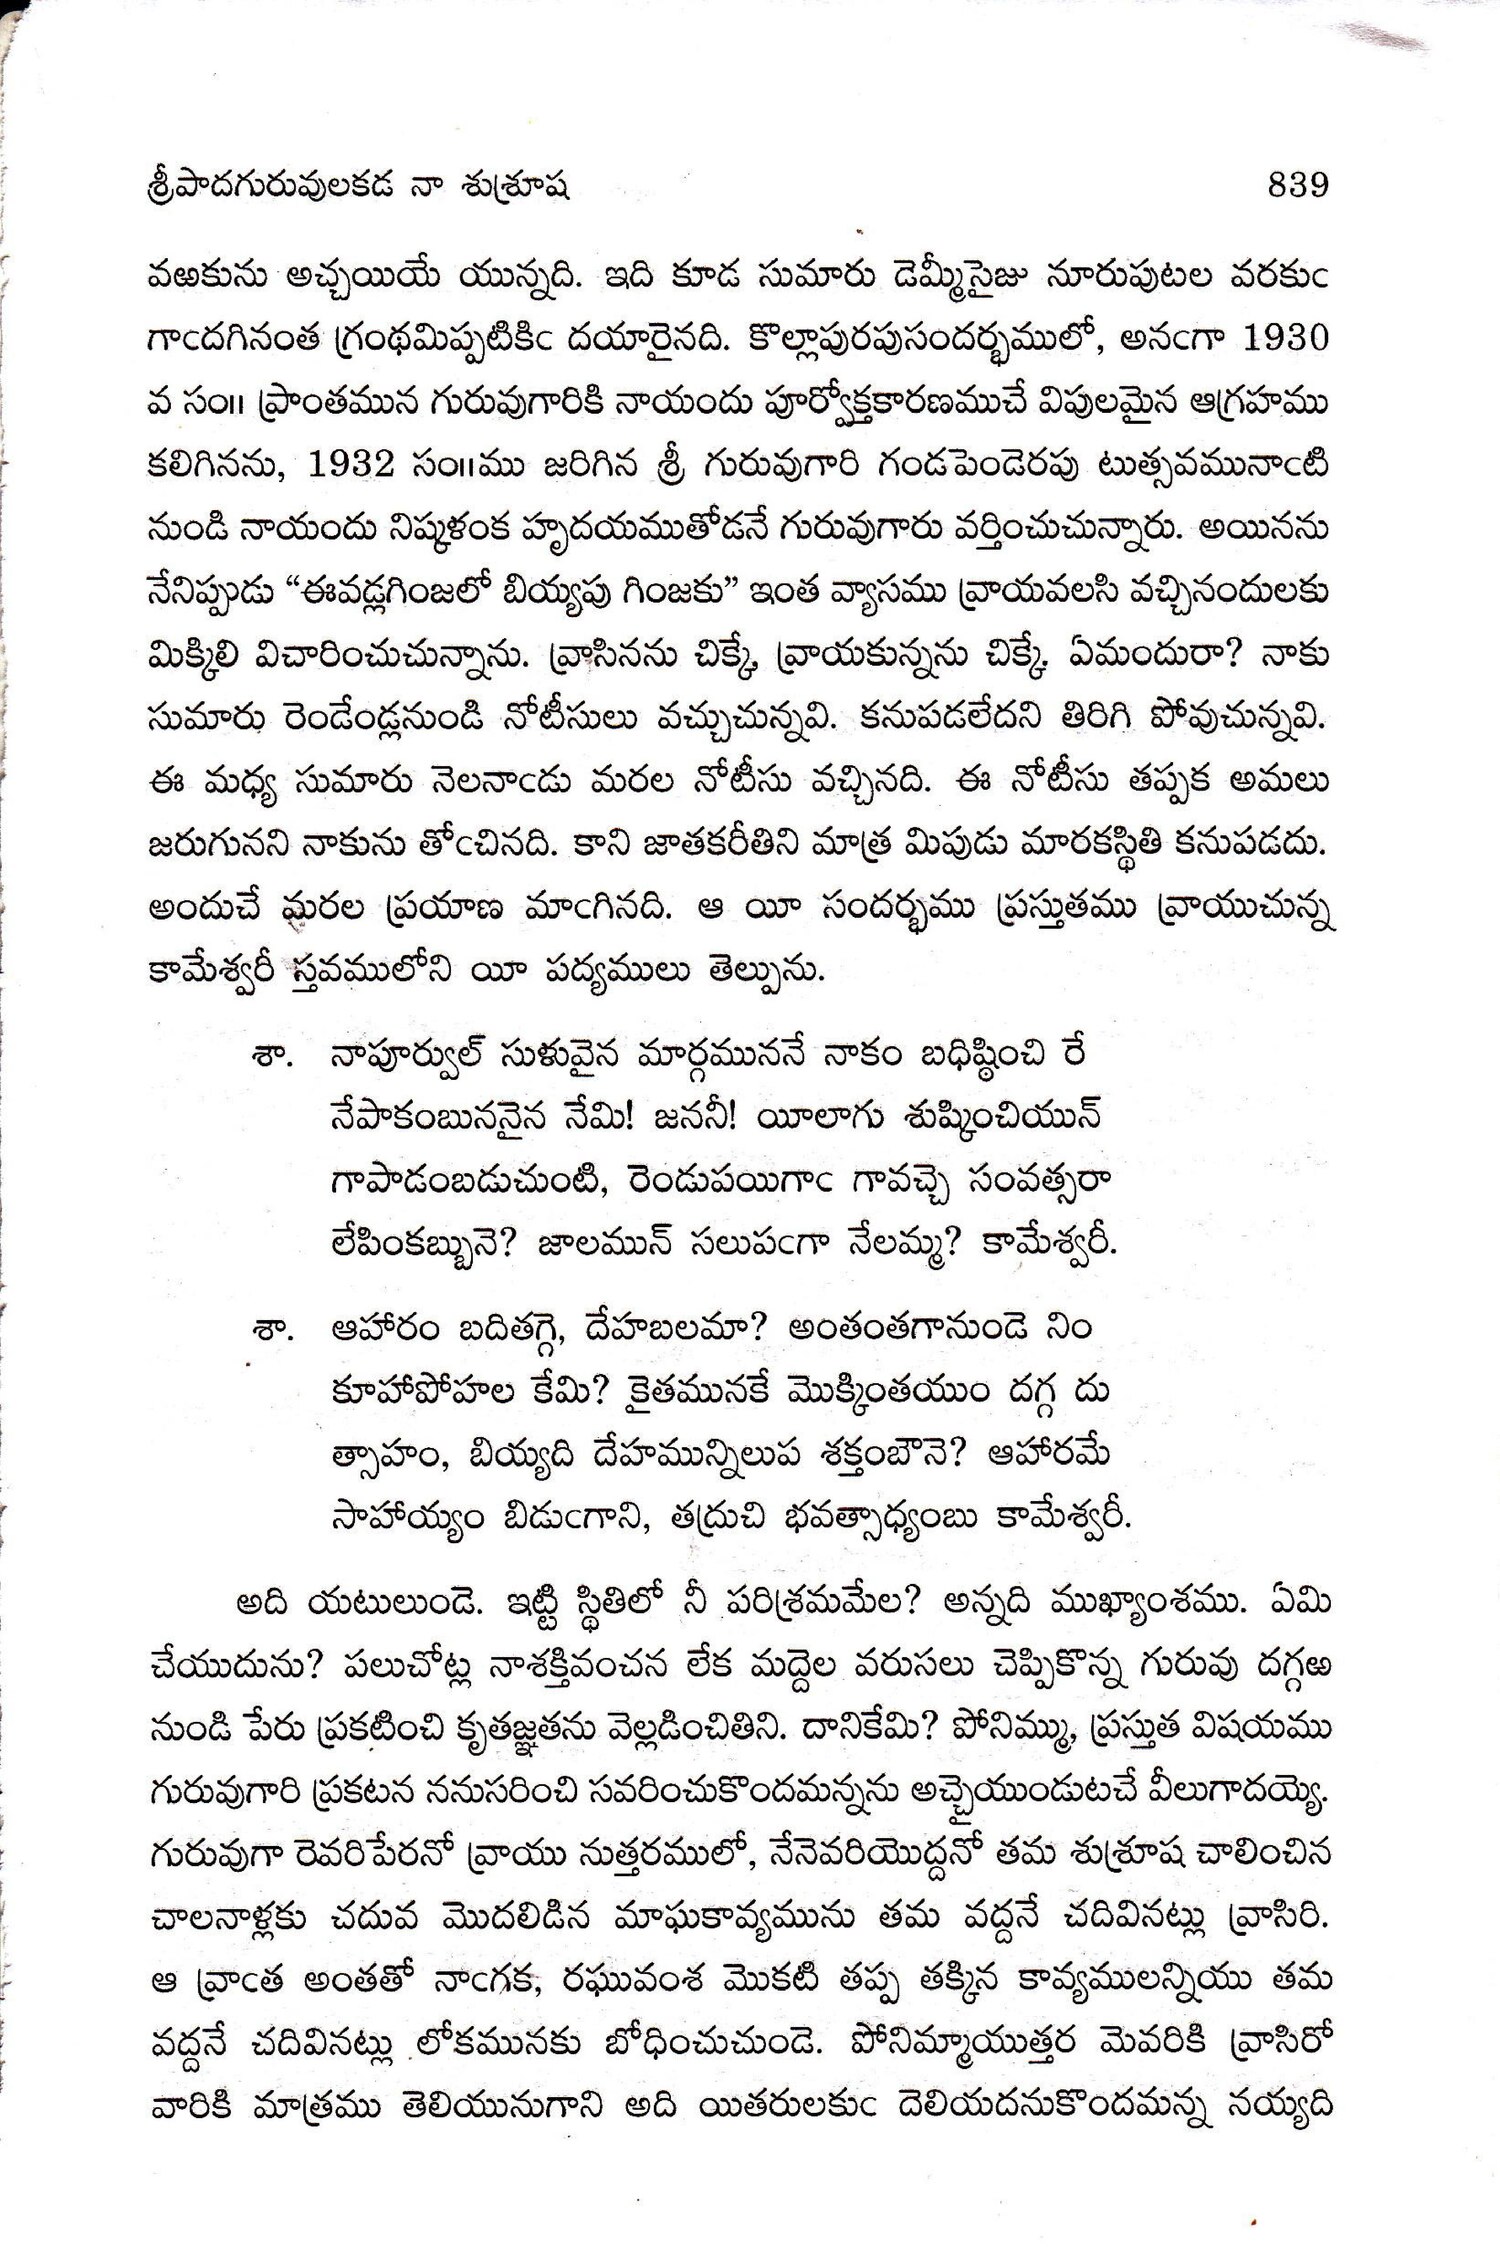వఱకును అచ్చయియే యున్నది. ఇది కూడ సుమారు డెమ్మీసైజు నూరుపుటల వరకుఁ గాఁదగినంత గ్రంథమిప్పటికిఁ దయారైనది. కొల్లాపురపుసందర్భములో, అనఁగా 1930 వ సం!! ప్రాంతమున గురువుగారికి నాయందు పూర్వోక్తకారణముచే విపులమైన ఆగ్రహము కలిగినను, 1932 సం||ము జరిగిన శ్రీ గురువుగారి గండపెండెరపు టుత్సవమునాఁటి నుండి నాయందు నిష్కళంక హృదయముతోడనే గురువుగారు వర్తించుచున్నారు. అయినను నేనిప్పుడు “ఈవడ్లగింజలో బియ్యపు గింజకు" ఇంత వ్యాసము వ్రాయవలసి వచ్చినందులకు మిక్కిలి విచారించుచున్నాను. వ్రాసినను చిక్కే వ్రాయకున్నను చిక్కే ఏమందురా? నాకు సుమారు రెండేండ్లనుండి నోటీసులు వచ్చుచున్నవి. కనుపడలేదని తిరిగి పోవుచున్నవి. ఈ మధ్య సుమారు నెలనాఁడు మరల నోటీసు వచ్చినది. ఈ నోటీసు తప్పక అమలు జరుగునని నాకును తోఁచినది. కాని జాతకరీతిని మాత్ర మిపుడు మారకస్థితి కనుపడదు. అందుచే మరల ప్రయాణ మాఁగినది. ఆ యీ సందర్భము ప్రస్తుతము వ్రాయుచున్న కామేశ్వరీ స్తవములోని యీ పద్యములు తెల్పును.

శా. నాపూర్వుల్ సుళువైన మార్గముననే నాకం బధిష్ఠించి రే
 నేపాకంబుననైన నేమి! జననీ! యీలాగు శుష్కించియున్ 
 గాపాడంబడుచుంటి, రెండుపయిగాఁ గావచ్చె సంవత్సరా 
 లేపింకబ్బునె? జాలమున్ సలుపఁగా నేలమ్మ? కామేశ్వరీ.

శా. ఆహారం బదితగ్గె, దేహబలమా? అంతంతగానుండె నిం
 కూహాపోహల కేమి? కైతమునకే మొక్కింతయుం దగ్గ దు 
 త్సాహం, బియ్యది దేహమున్నిలుప శక్తంభౌనె? ఆహారమే 
 సాహాయ్యం బిడుఁగాని, తద్రుచి భవత్సాధ్యంబు కామేశ్వరీ.
అది యటులుండె. ఇట్టి స్థితిలో నీ పరిశ్రమమేల? అన్నది ముఖ్యాంశము. ఏమి చేయుదును? పలుచోట్ల నాశక్తివంచన లేక మద్దెల వరుసలు చెప్పికొన్న గురువు దగ్గఱ నుండి పేరు ప్రకటించి కృతజ్ఞతను వెల్లడించితిని. దానికేమి? పోనిమ్ము, ప్రస్తుత విషయము గురువుగారి ప్రకటన ననుసరించి సవరించుకొందమన్నను అచ్చైయుండుటచే వీలుగాదయ్యె గురువుగా రెవరిపేరనో వ్రాయు నుత్తరములో, నేనెవరియొద్దనో తమ శుశ్రూష చాలించిన చాలనాళ్లకు చదువ మొదలిడిన మాఘకావ్యమును తమ వద్దనే చదివినట్లు వ్రాసిరి. ఆ వ్రాఁత అంతతో నాఁగక, రఘువంశ మొకటి తప్ప తక్కిన కావ్యములన్నియు తమ వద్దనే చదివినట్లు లోకమునకు బోధించుచుండె. పోనిమ్మాయుత్తర మెవరికి వ్రాసిరో వారికి మాత్రము తెలియునుగాని అది యితరులకుఁ దెలియదనుకొందమన్న నయ్యది